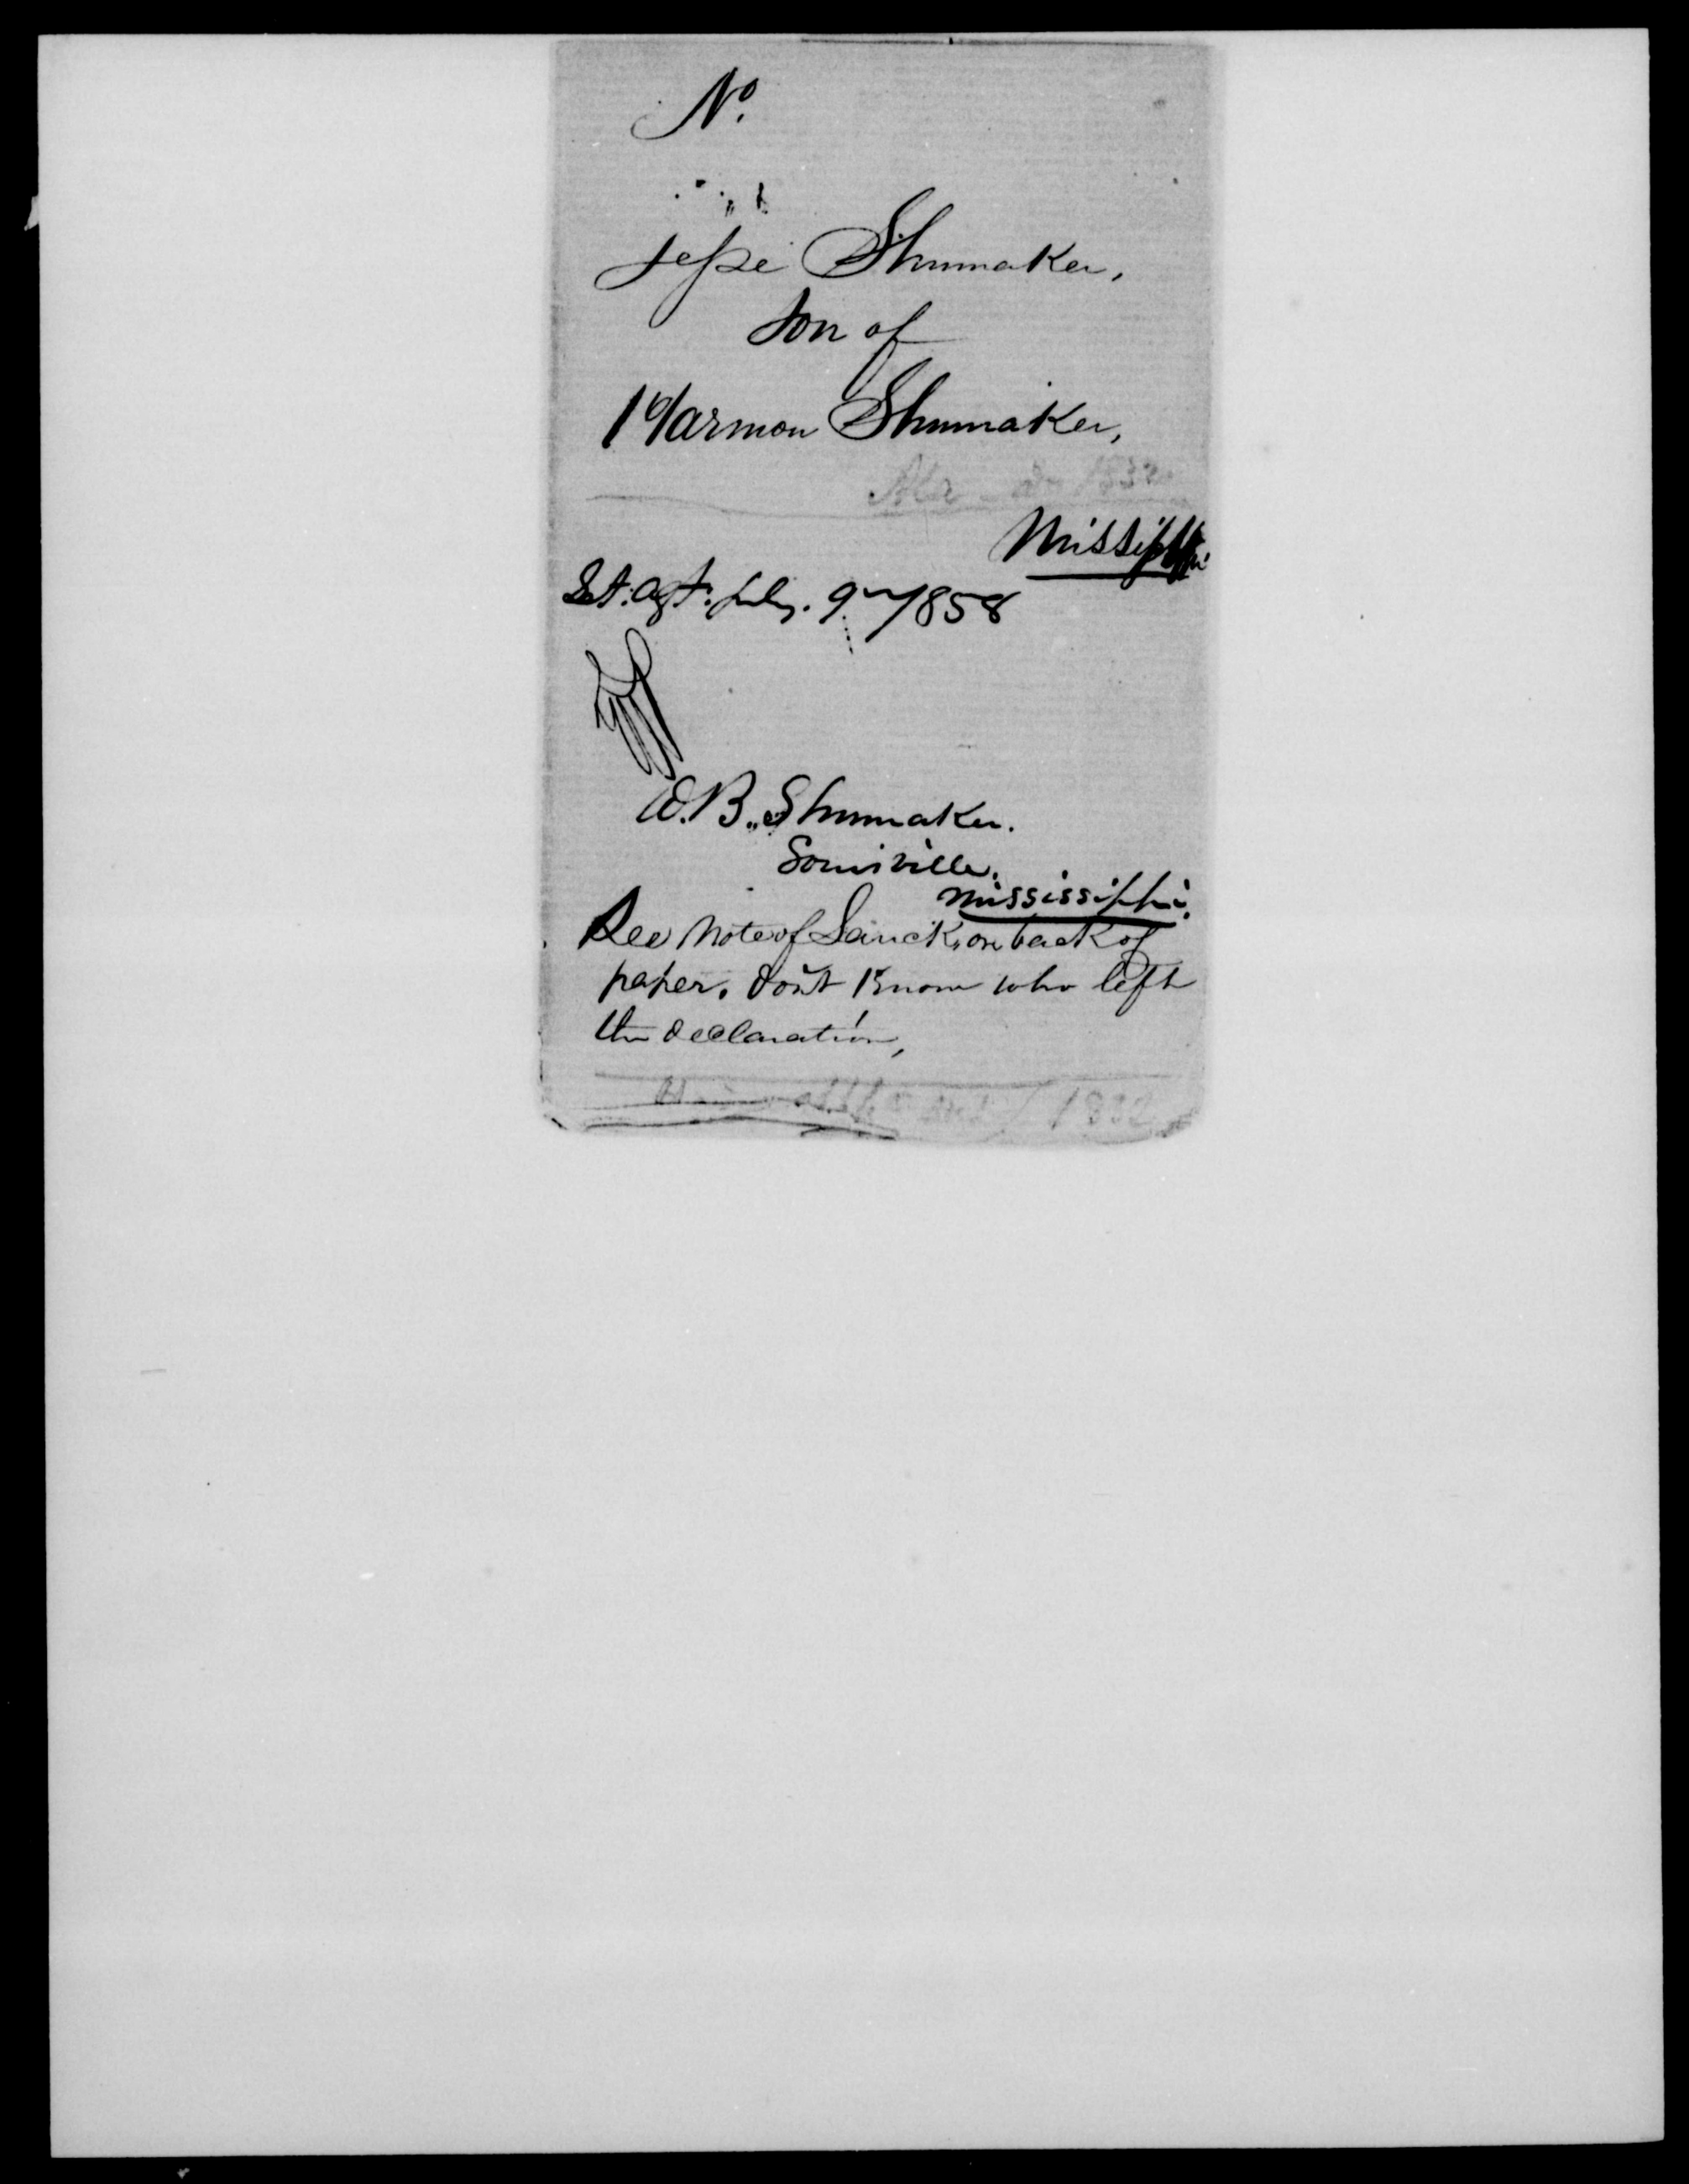No
Jesse Shumaker,
Son of
Harmon Shumaker,
Ala 1832
Mississippi
St. Agt. July 9, 1858
W. B. Shumaker
Louisville,
Mississippi
See Note of Sanck on back of
paper, don't know who left
the declaration.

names: Harmon Shumaker; W B Shumaker; Jesse Shumaker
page: 15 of 20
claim: survivor's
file: S. 32512, for Harmon Shumaker, Maryland